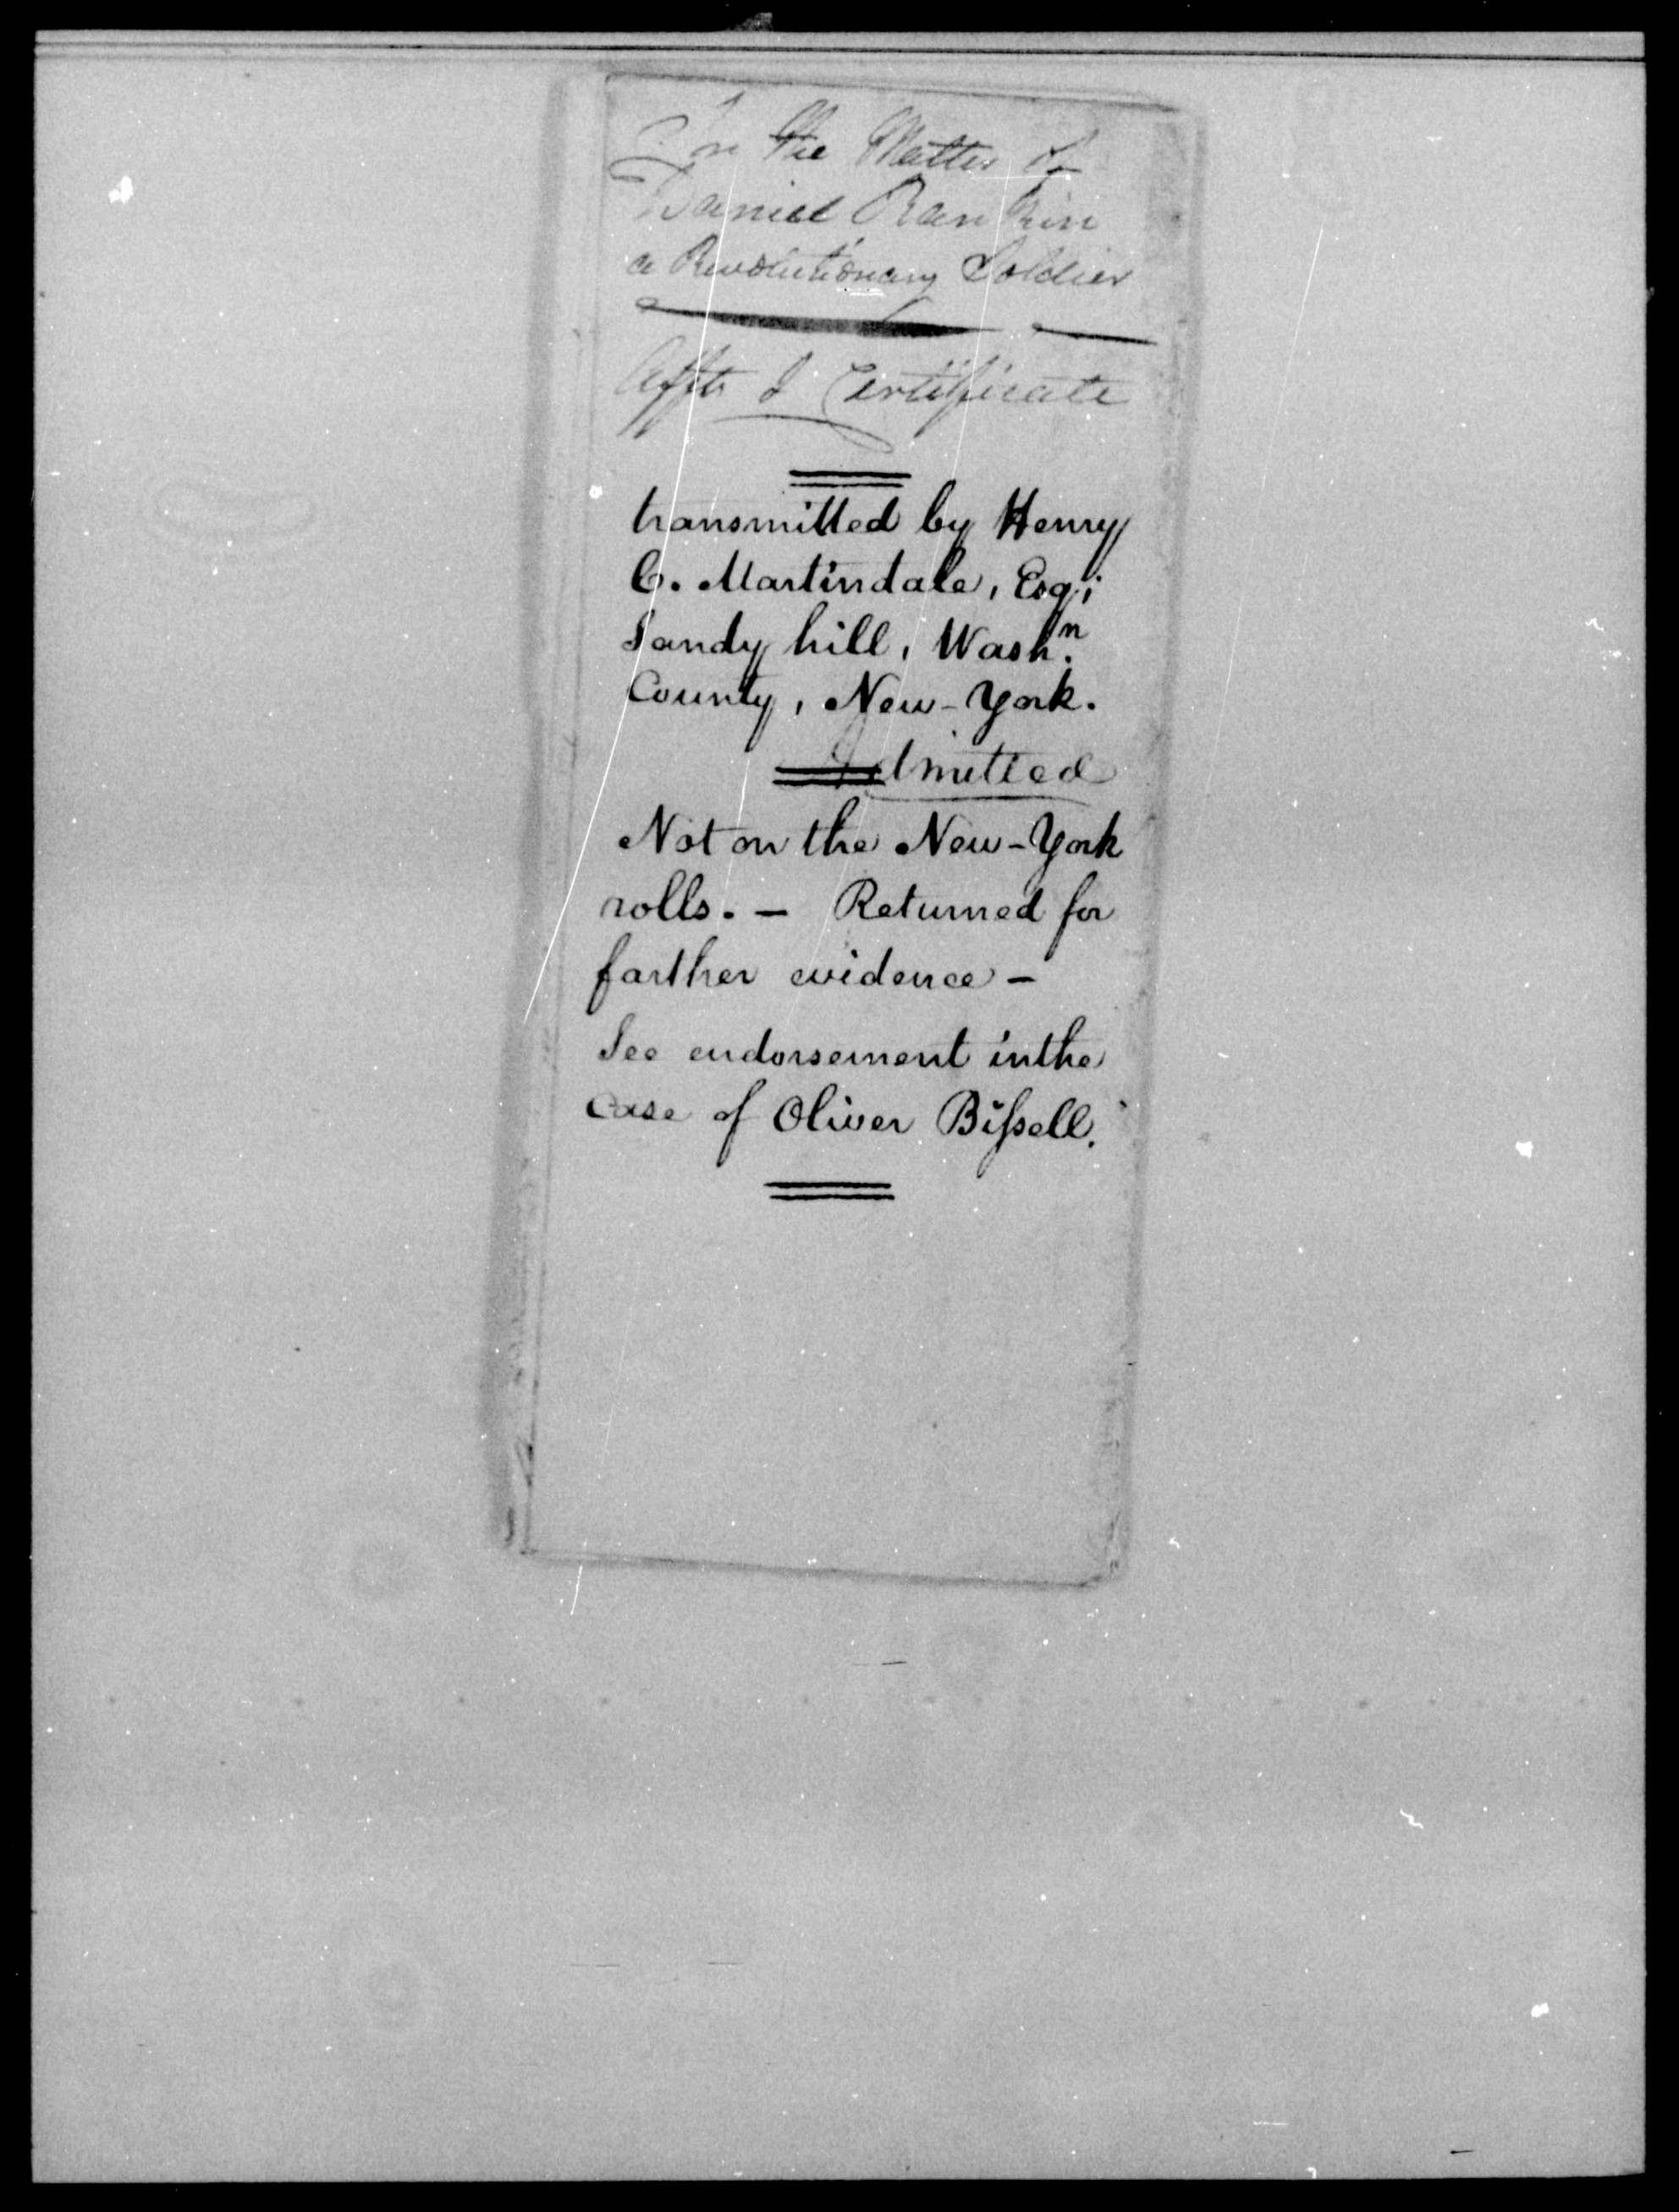In the matter of Daniel Rankin a Revolutionary Soldier
Affts & Certificate

transmitted by Henry C. Martindale, Rsqr Sandy hill, Washn. County, New York.

Admitted

Not on the New- York rolls. - Returned for further evidence - 
See endorsement in the case of Oliver Bissell.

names: Oliver Bissell; Henry C Martindale; Daniel Rankin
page: 6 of 27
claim: survivor's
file: S. 43897, for Daniel Rankin, New York